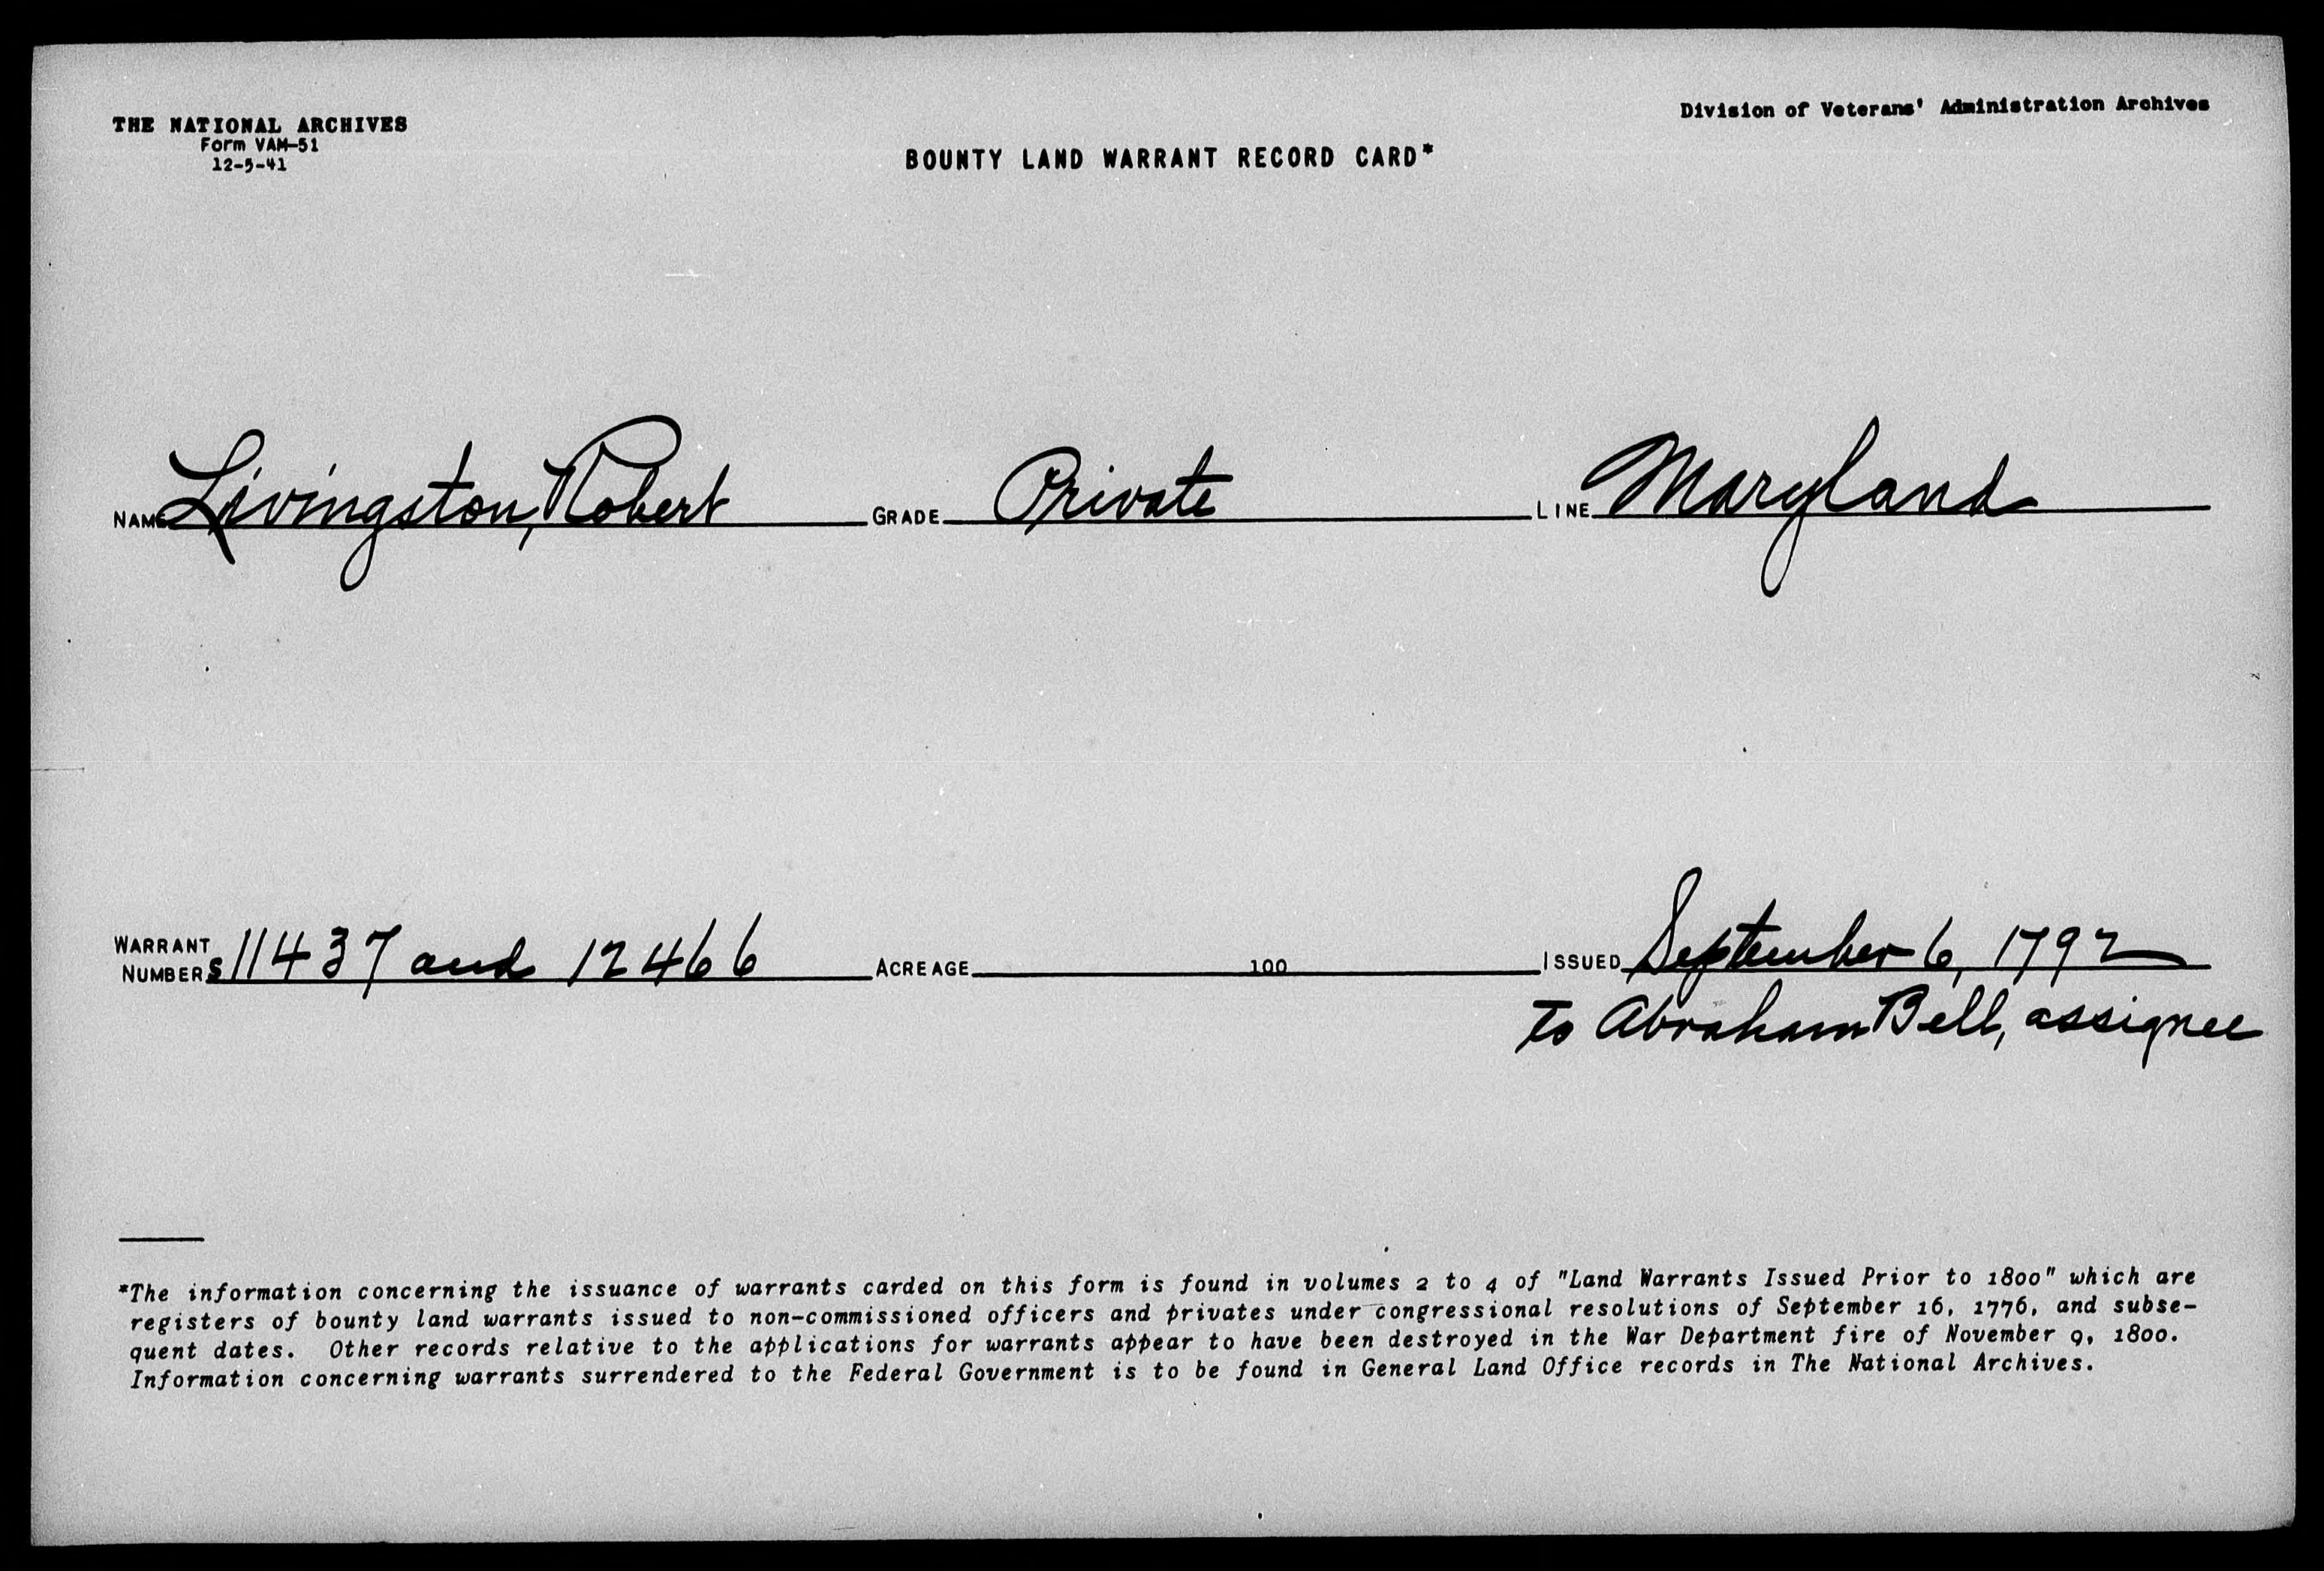THE NATIONAL ARCHIVES
Form VAM-51-
12 - 5 - 41
BOUNTY LAND WARRANT RECORD CARD*
Division of Veterans' Administration Archives
NAME Livingston, Robert
GRADE Private
LINE Maryland
WARRANT NUMBERs 11437 and 124466
ACREAGE 100
ISSUED September 6, 1792
to Abraham Bell, assignee
The information concerning the issuance of warrants carded on this form is found in volumes 2 to 4 of ""Land Warrants Issued Prior to 1800"" which are
registers of bounty land warrants issued to non-commissioned officers and privates under congressional resolutions of September 16, 1776, and subsequent
dates. Other records relative to the applications for warrants appear to have been destroyed in the War Department fire of November 9, 1800.
Information concerning warrants surrendered to the Federal Government is to be found in General Land Office records in The National Archives.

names: Abraham Bell; Robert Livingston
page: 21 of 23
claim: survivor's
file: S 42874, for Robert Livingston, Maryland